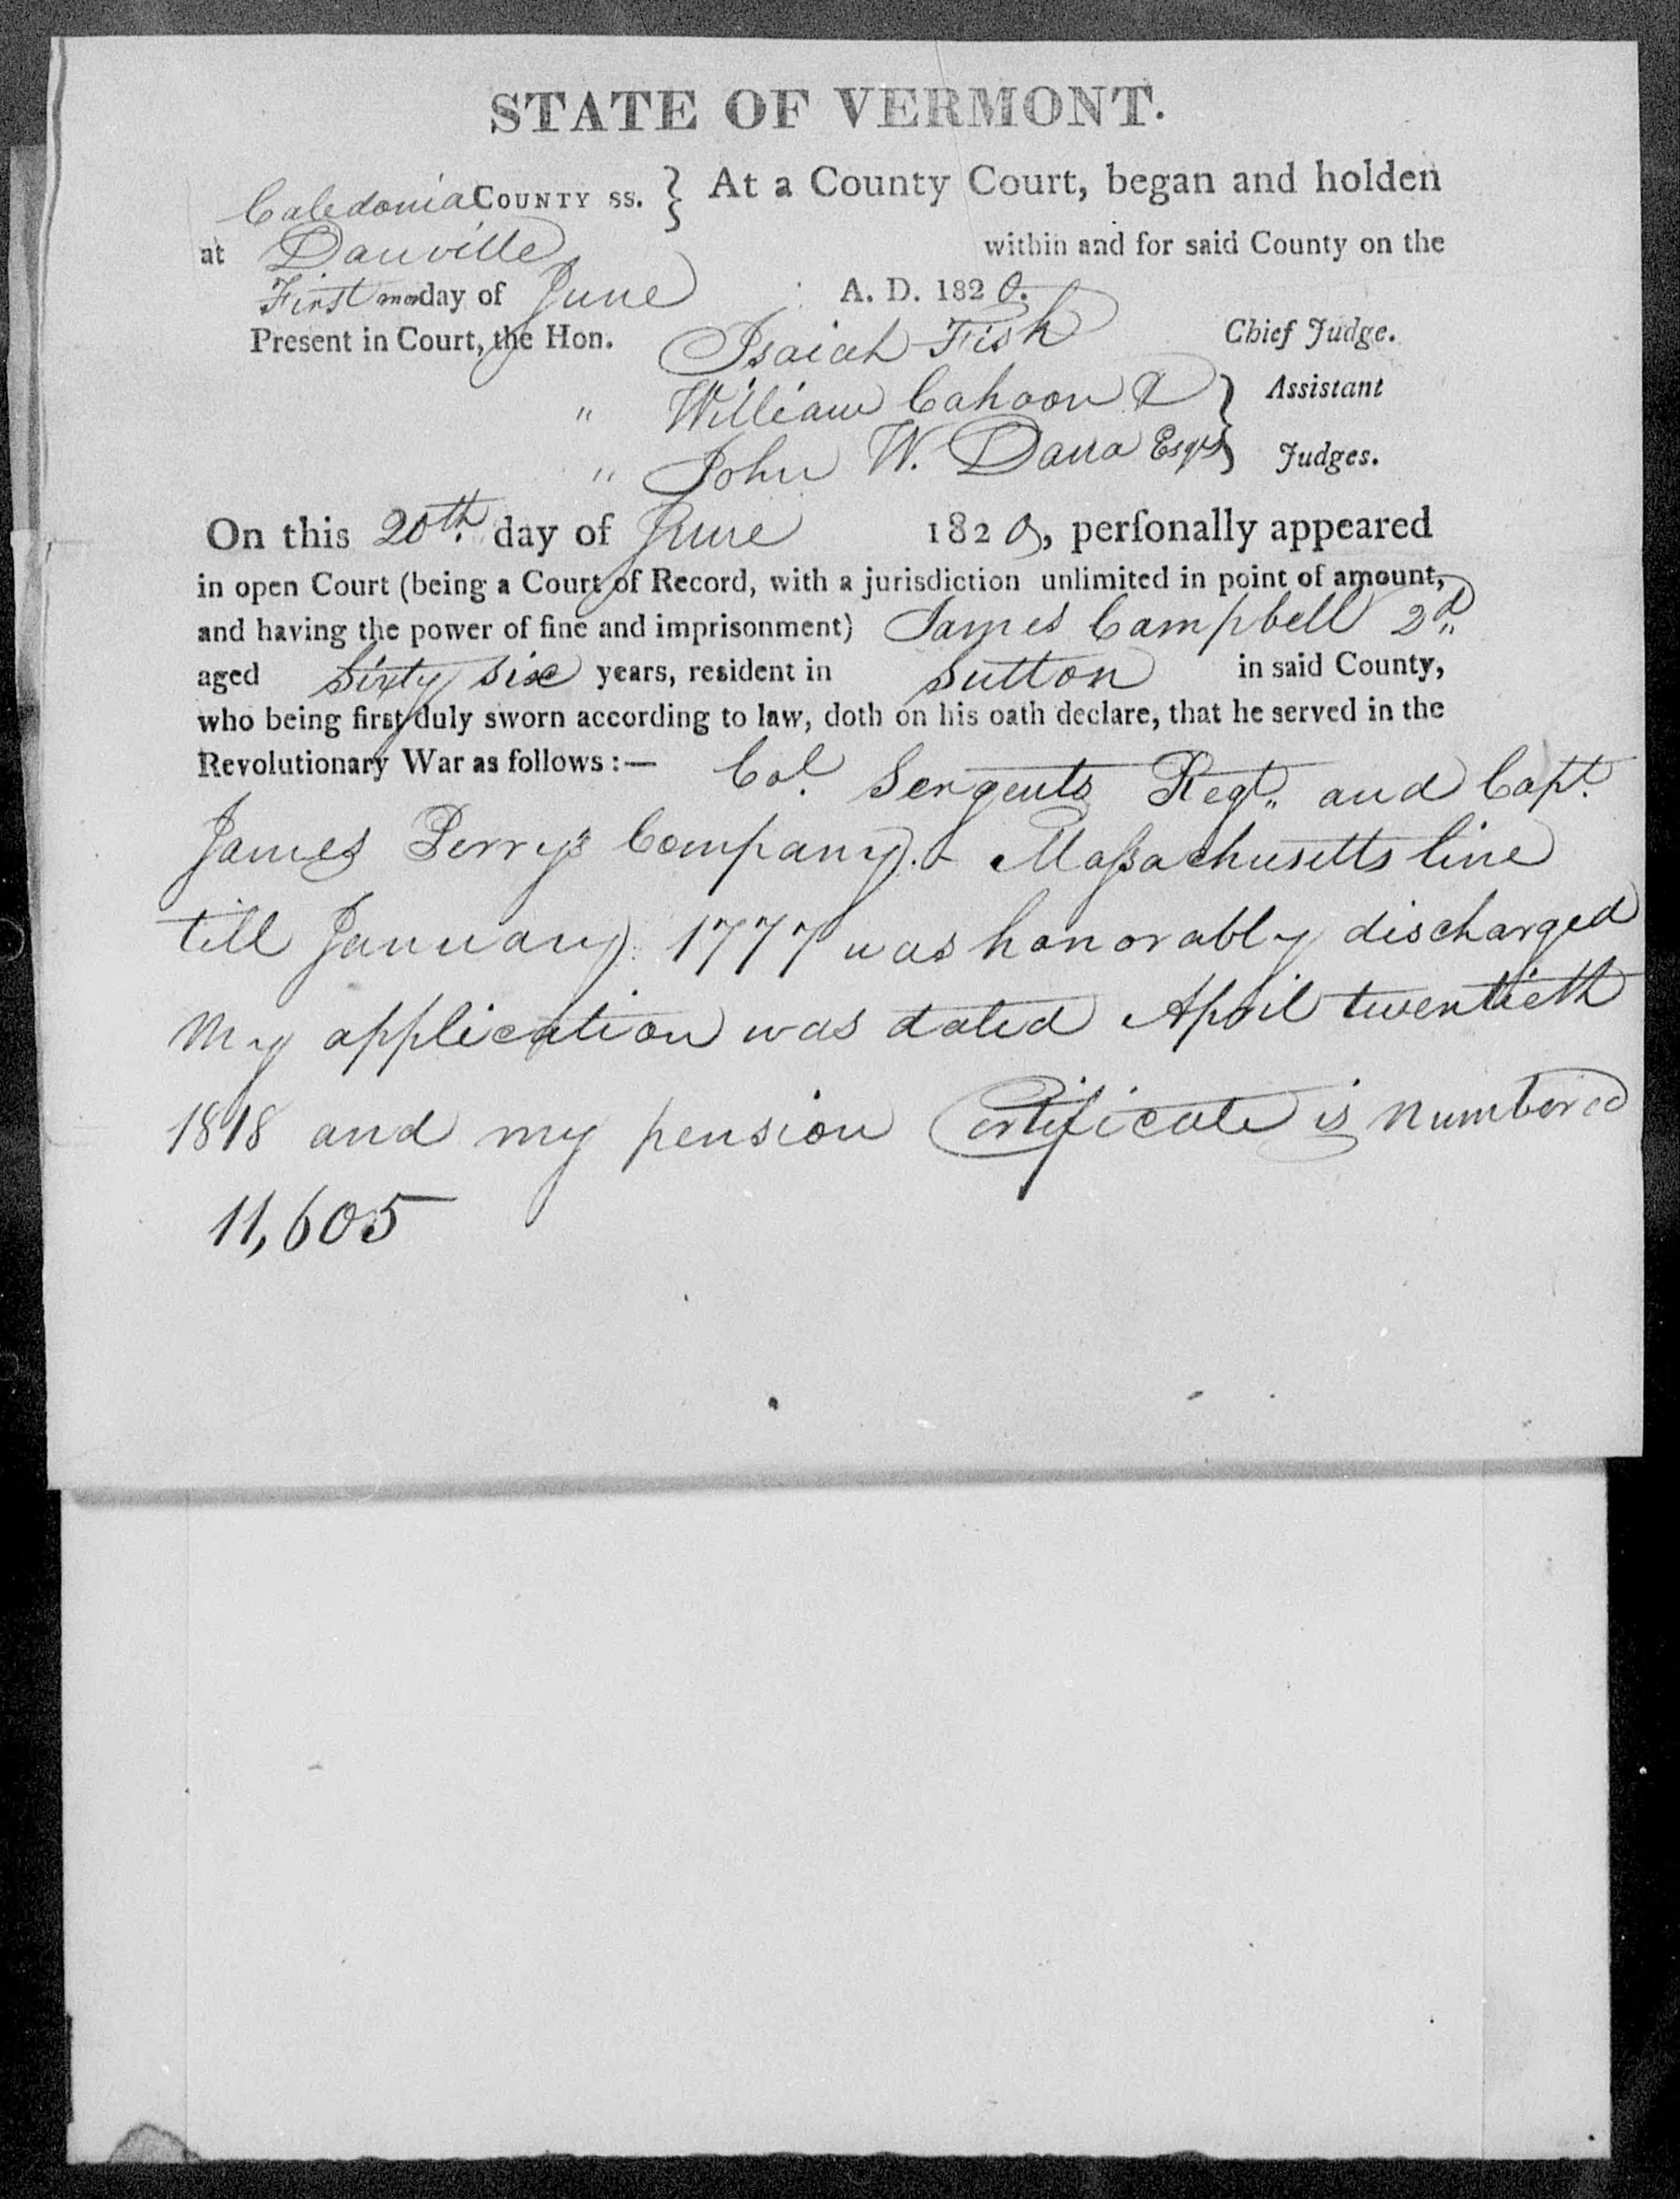STATE OF VERMONT.

Caledonia County ss.}  At a County Court, began and holden in Danville within and for said County on the First day of June A. D. 1820.
Present in Court, 
the Hon. Isaiah Fisk Chief Judge.
          "    William Cahoon &} Assistant
          "   John W. Dana Esqr } Judges

On this 20th day of June 1820, personally appeared in open Court (being a Court of Record, with a jurisdiction unlimited in point of amount, and having the power of fine and imprisonment) James Campbell 2d. aged Sixty six years, resident in Sutton in said County, who being first duly sworn according to law, doth on his oath declare, that he served in the
Revolutionary War as follows: - Col. Sargents Regt. and Capt. James Perry's Company -Massachusetts line till January 1777 was honorably discharged my application was dated April twentieth 1818 and my pension certificate is numbered 11,605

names: John W Dana, William Cahoon, James Campbell, Isaiah Fisk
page: 45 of 67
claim: widow's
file: W. 23772, James Campbell, Continental Mass.